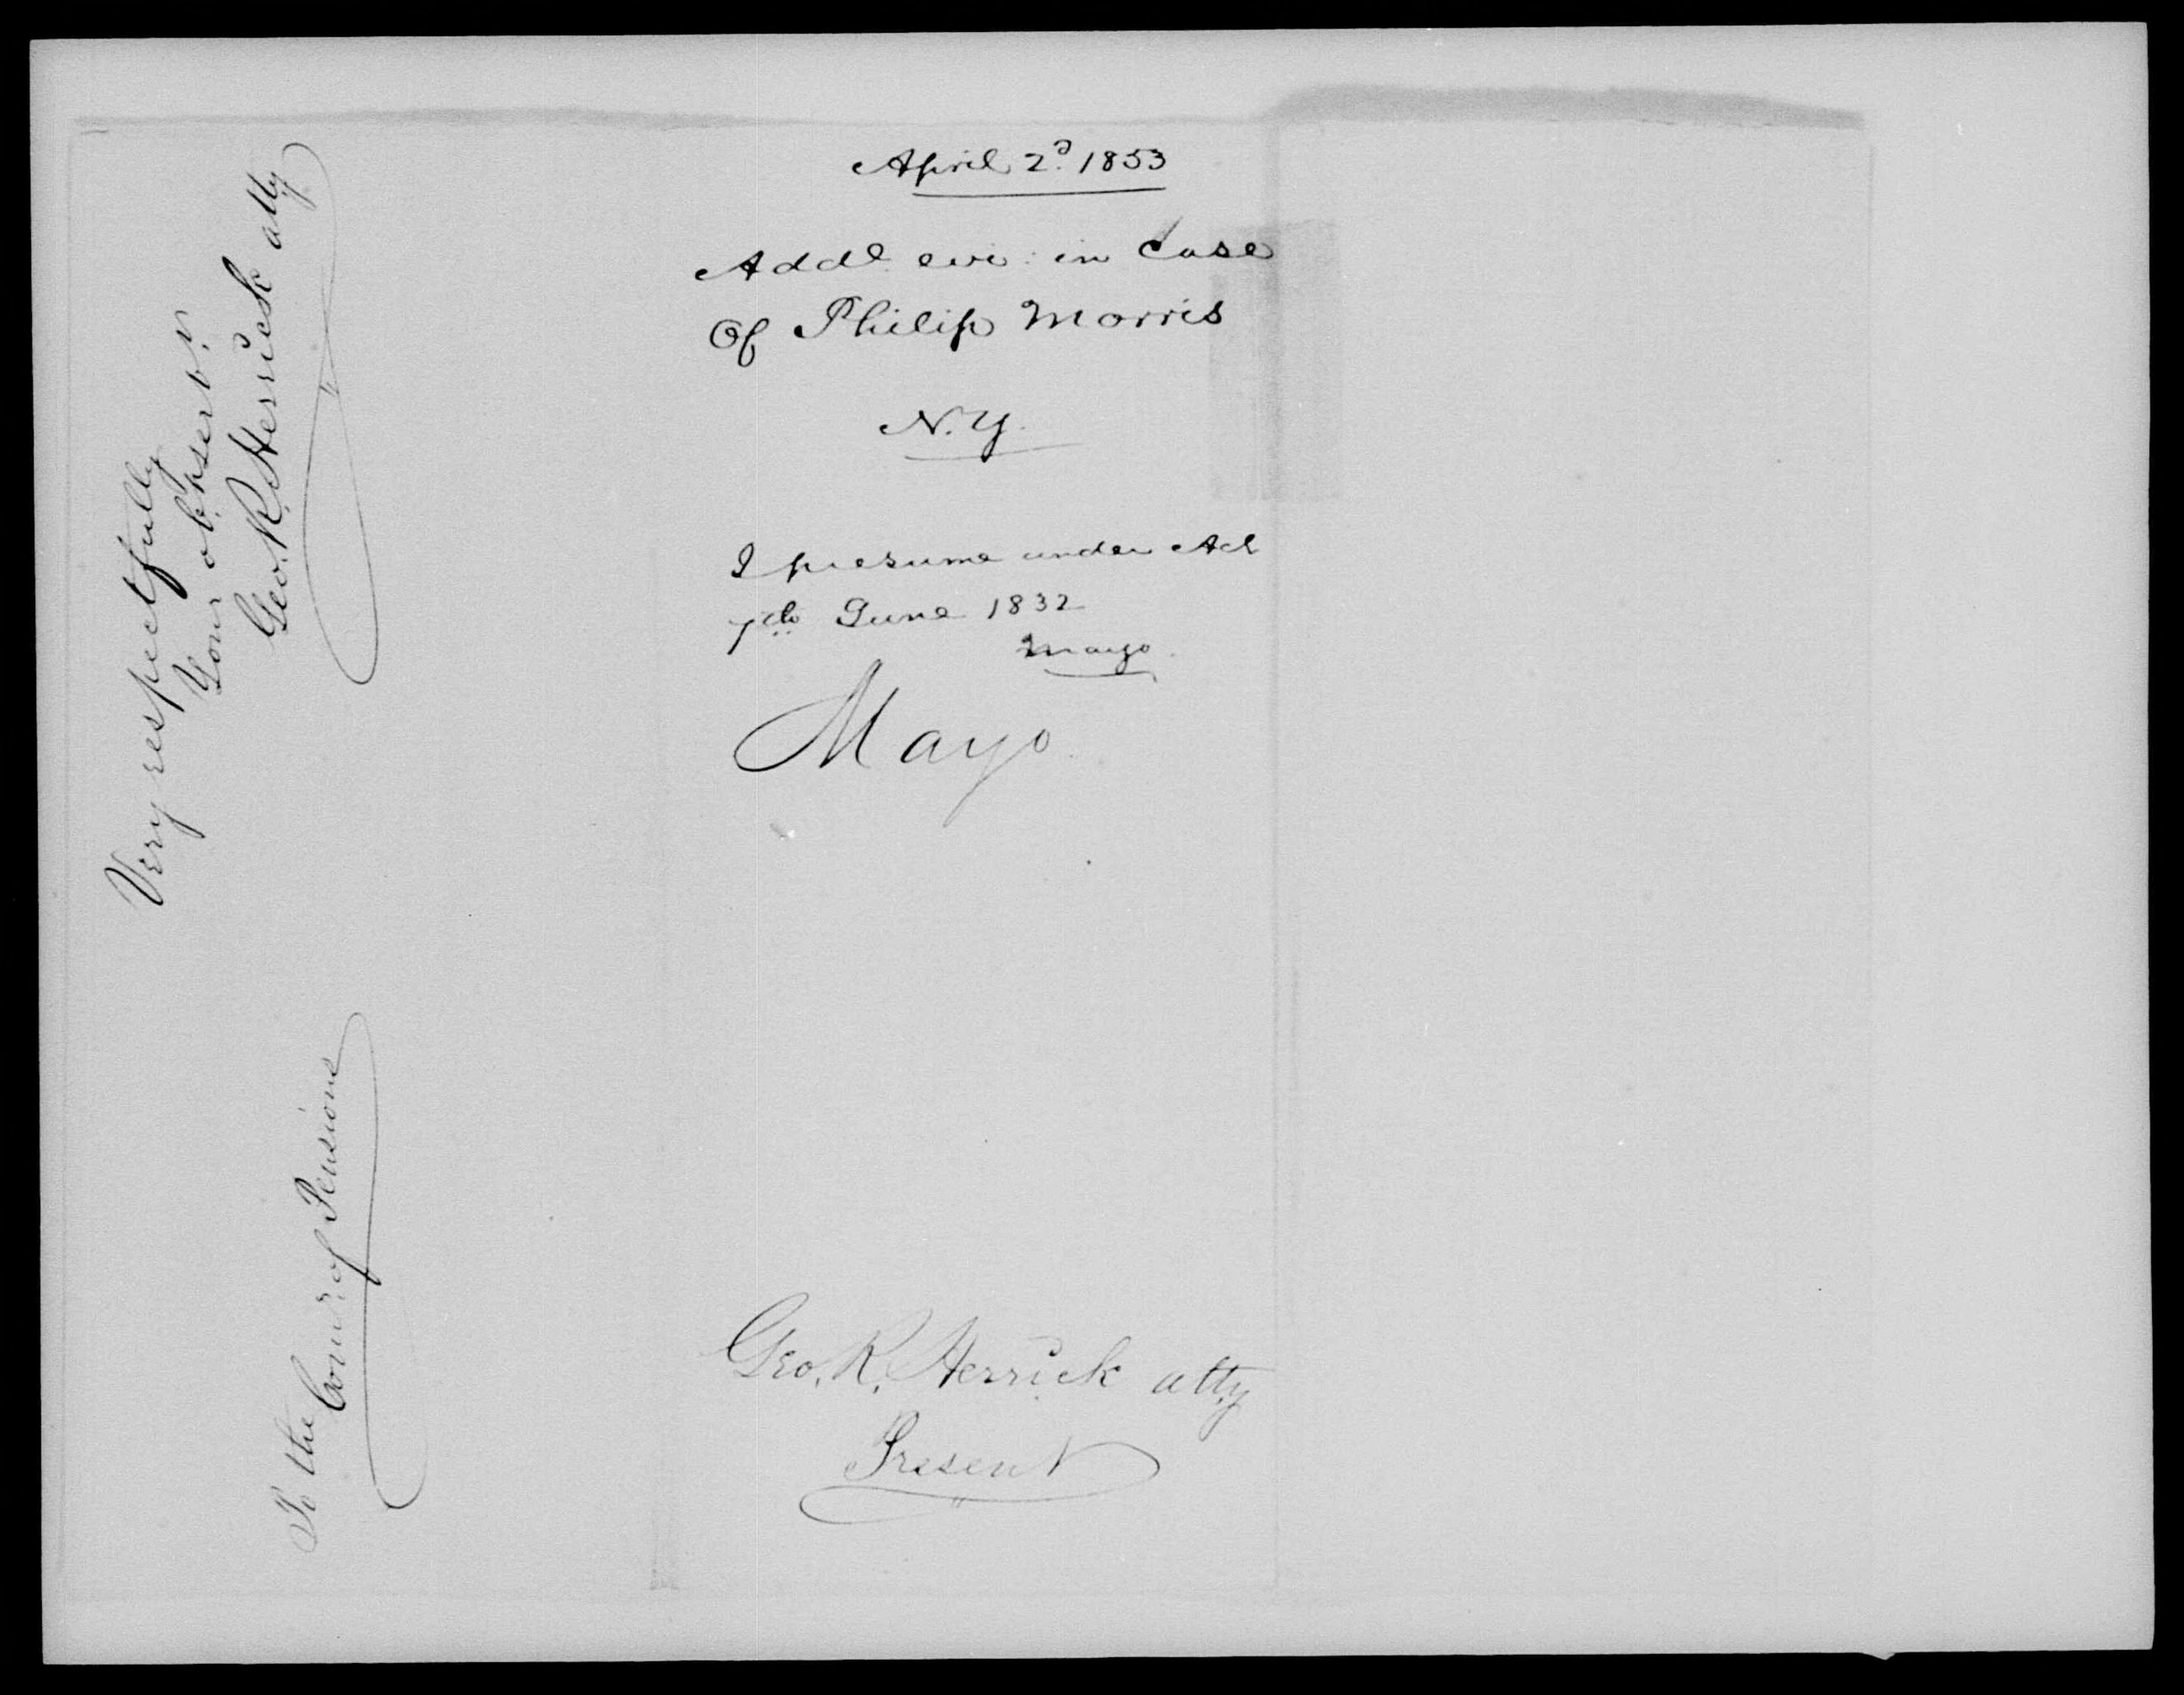April 2d 1853
Addl evi in case
of Philip Morris
N.Y. 

I presume under Act
7th June 1832 Mayo
Mayo 

Geo. R. Herrick atty
Present 

To the Commr. of Pensions

Very respectfully
Your ob. servt.
Geo. R. Herrick atty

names: [BLANK] Mayo; Geo R Herrick; Philip Morris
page: 43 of 44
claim: survivor's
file: S. 28,815, for Philip Morris, Rhode Island